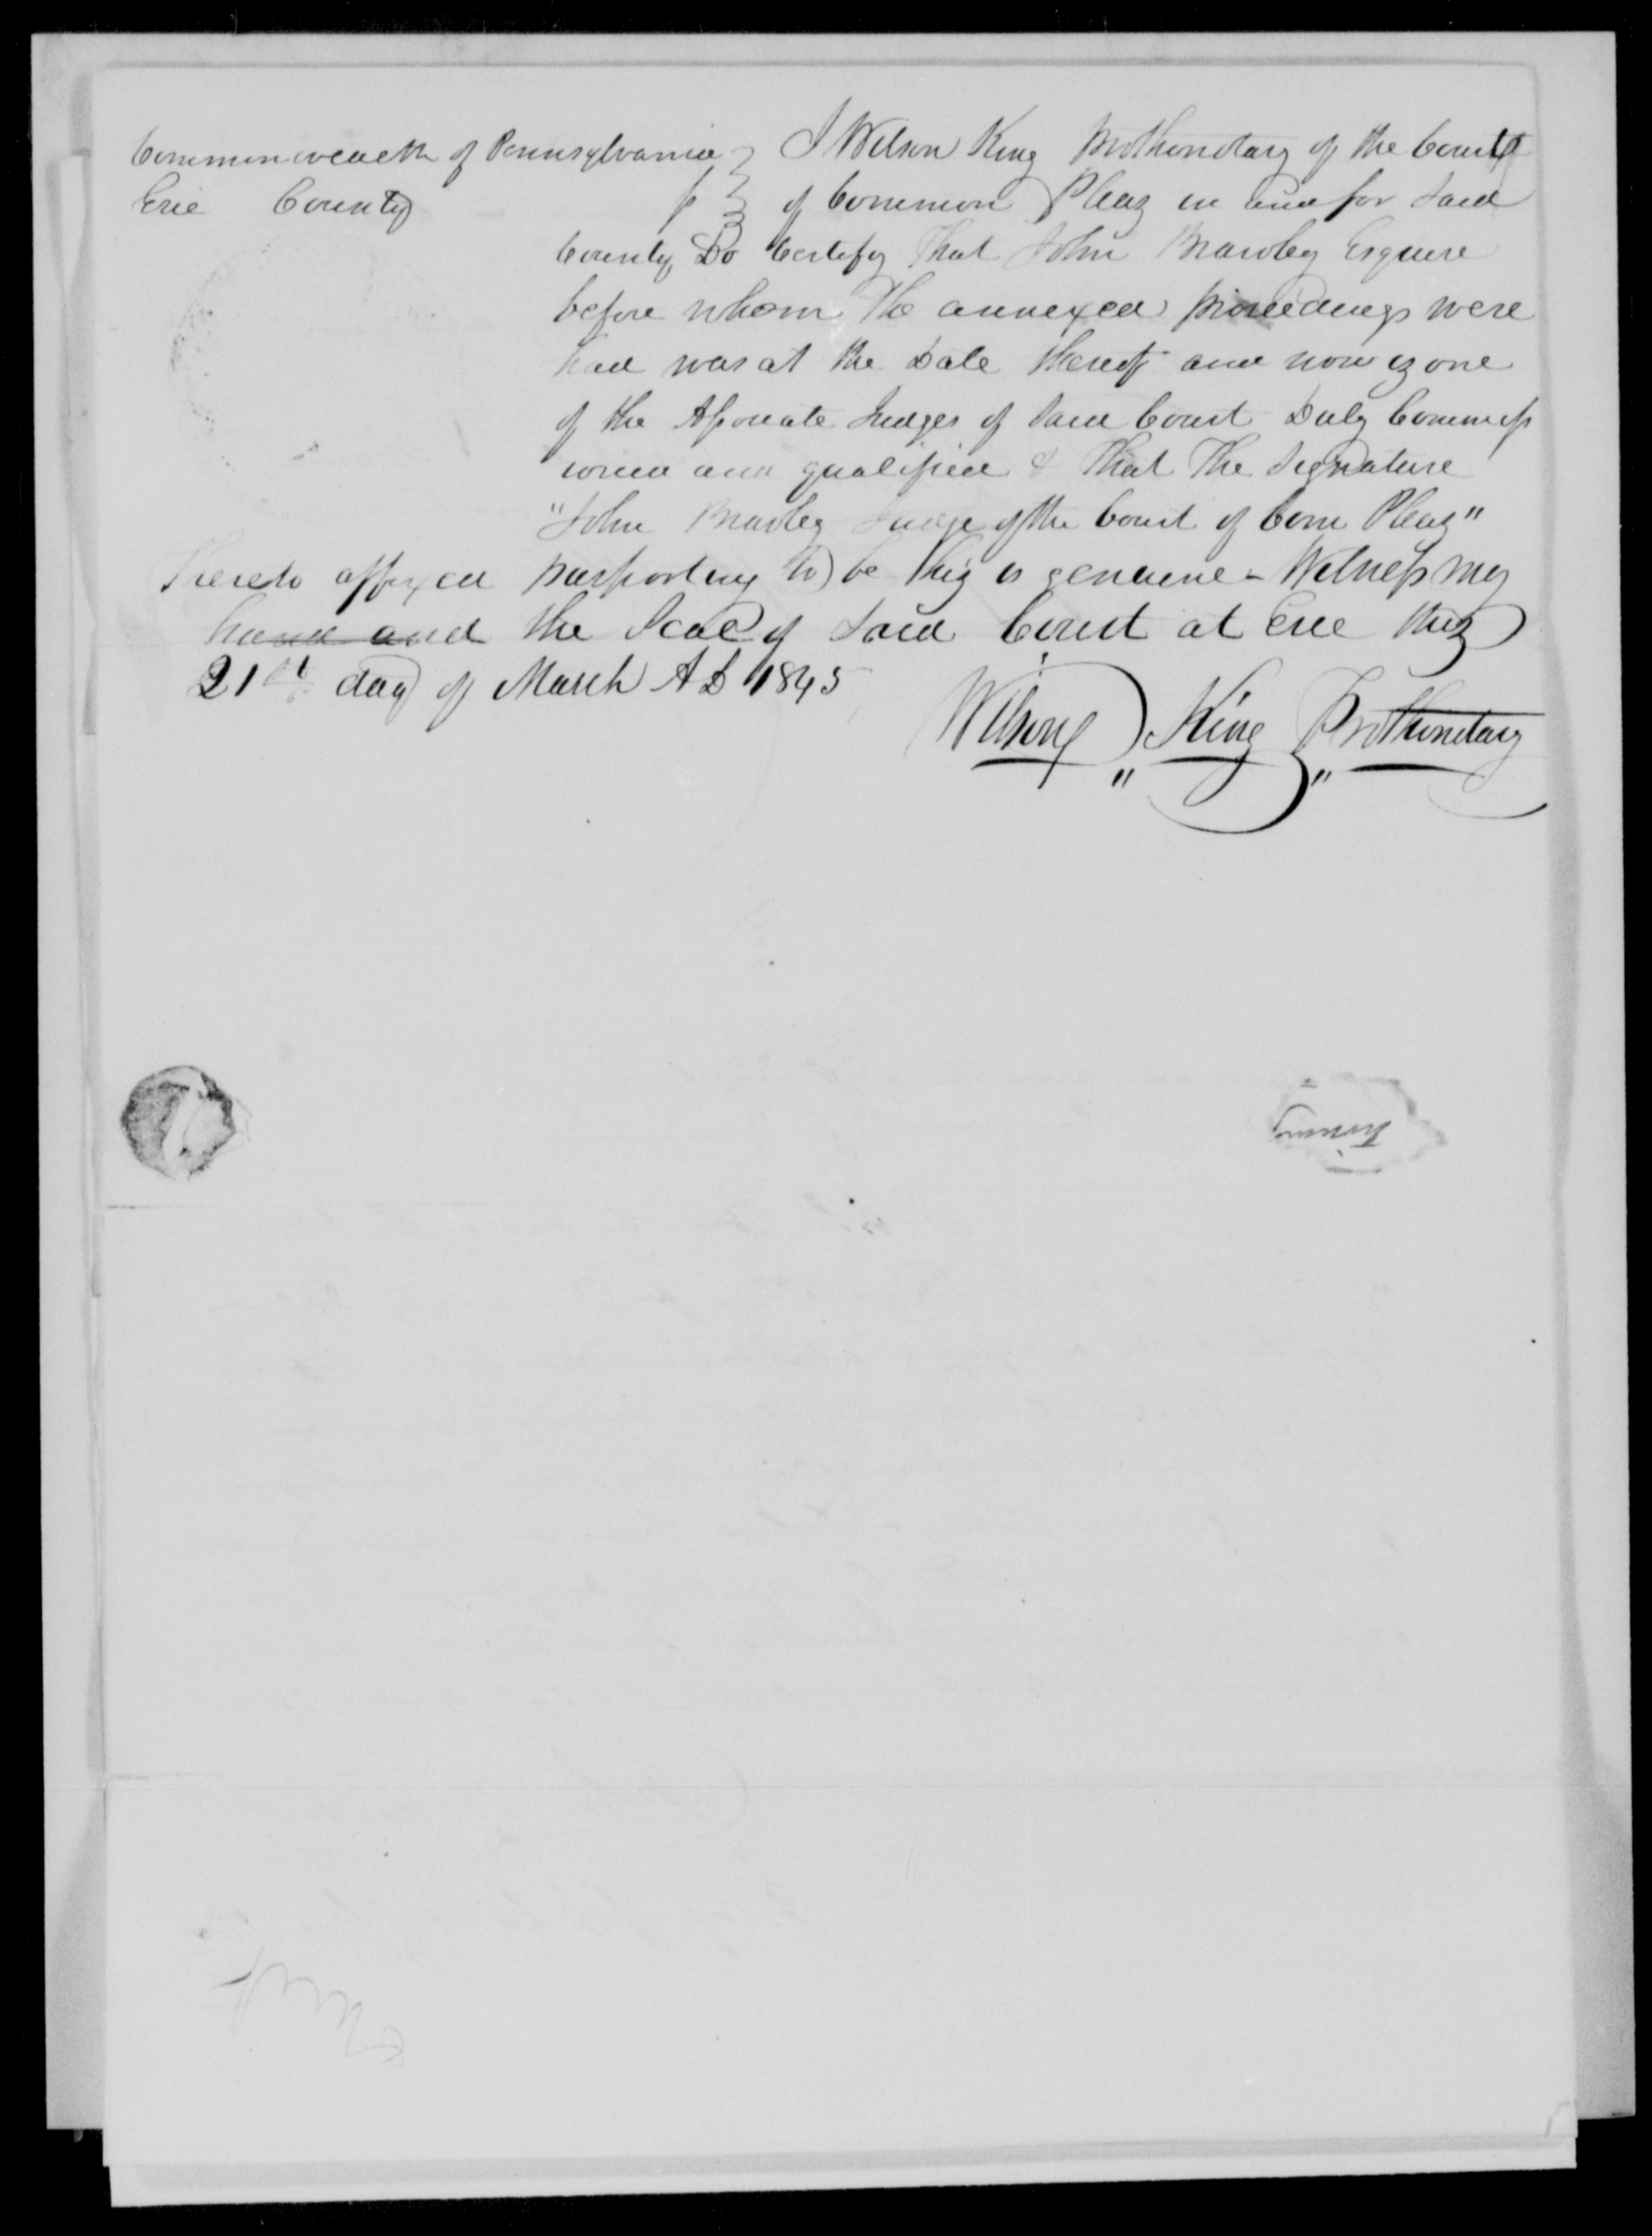Commonwealth of Pennsylvania}
Erie County ss.}

I, Wilson King, prothonotary of the Court of Common Pleas in and for said county do certify that John Browley Esquire before whom the annexed proceedings were had was at the date thereof and now is one of the  associate Judges of said court duly commissioned and qualified and  that the signature "John Browley Judge of the Court of Common Pleas" hereto affixed purporting to be his is genuine.

Witness my hand and the Seal of said Court at Erie this 21st day of March A D 1845
Wilson King   Prothonotary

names: Wilson King, John Browley, Wilson King, John Browley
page: 20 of 40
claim: widow's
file: W. 3742, Moses Warner, Conn.